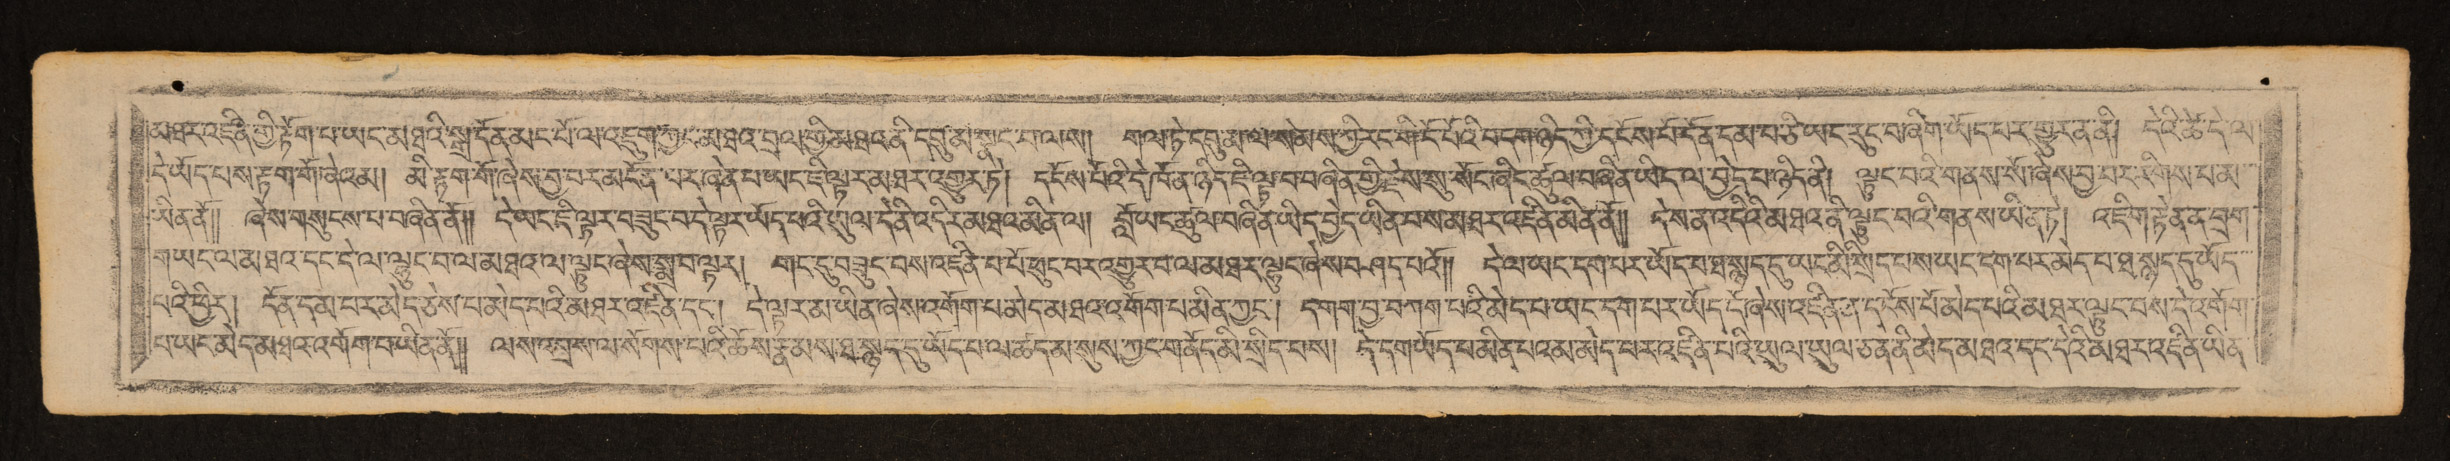མཐར་འཛིན་གྱི་རྟོག་པ་ཡང་མཐའི་སྒྲ་དོན་མང་པོ་ལ་འཇུག་ཀྱང་མཐའ་བྲལ་གྱི་མཐའ་ནི་དབུ་མ་སྣང་བ་ལས། གལ་ཏེ་དབུ་མ་ལ་སེམས་ཀྱི་རང་གི་ངོ་བོའི་བདག་ཉིད་ཀྱི་དངོས་པོ་དོན་དམ་པ་ཅི་ཡང་རུང་བ་ཞིག་ཡོད་པར་གྱུར་ན་ནི། དེའི་ཚེ་དེ་ལ་
དེ་ཡོད་པས་རྟག་གོ་ཞེའམ། མི་རྟག་གོ་ཞེས་བྱ་བར་མངོན་པར་ཞེན་པ་ཡང་ཇི་ལྟར་མཐར་འགྱུར་ཏེ། དངོས་པོའི་དེ་ཁོ་ན་ཉིད་ཇི་ལྟ་བ་བཞིན་གྱི་རྗེས་སུ་སོང་ཞིང་ཚུལ་བཞིན་ཡིད་ལ་བྱེད་པ་ཉིད་ནི། ལྟུང་བའི་གནས་སོ་ཞེས་བྱ་བར་རིགས་པ་མ་
ཡིན་ནོ།། ཞེས་གསུངས་པ་བཞིན་ནོ།། དེ་ཡང་ཇི་ལྟར་བཟུང་བ་དེ་ལྟར་ཡོད་པའི་ཡུལ་དེ་ནི་འདིར་མཐའ་མིན་ལ། བློ་ཡང་ཚུལ་བཞིན་ཡིད་བྱེད་ཡིན་པས་མཐར་འཛིན་མིན་ནོ།། དེས་ན་འདིའི་མཐའ་ནི་ལྟུང་བའི་གནས་ཡིན་ཏེ། འཇིག་རྟེན་ན་བྲག་
གཡང་ལ་མཐའ་དང་དེ་ལ་ལྷུང་བ་ལ་མཐའ་ལ་ལྟུང་ཞེས་སྨྲ་བ་ལྟར། གང་དུ་བཟུང་བས་འཛིན་པ་པོ་ཕུང་བར་འགྱུར་བ་ལ་མཐར་ལྷུང་ཞེས་བཤད་པའོ།། དེ་ལ་ཡང་དག་པར་ཡོད་པ་ཐ་སྙད་དུ་ཡང་མི་སྲིད་པས་ཡང་དག་པར་མེད་པ་ཐ་སྙད་དུ་ཡོད་
པའི་ཕྱིར། དོན་དམ་པར་མེད་ཅེས་པ་མེད་པའི་མཐར་འཛིན་དང་། དེ་ལྟར་མ་ཡིན་ཞེས་འགོག་པ་མེད་མཐའ་འགོག་པ་མིན་ཀྱང་། དགག་བྱ་བཀག་པའི་མེད་པ་ཡང་དག་པར་ཡོད་དོ་ཞེས་འཛིན་ན་དངོས་པོ་མེད་པའི་མཐར་ལྟུང་བས་དེ་འགོག་
པ་ཡང་མེད་མཐའ་འགོག་པ་ཡིན་ནོ།། ལས་འབྲས་ལ་སོགས་པའི་ཆོས་རྣམས་ཐ་སྙད་དུ་ཡོད་པ་ལ་ཚད་མ་སུས་ཀྱང་གནོད་མི་སྲིད་པས། དེ་དག་ཡོད་པ་མིན་པའམ་མེད་པར་འཛིན་པའི་ཡུལ་ཡུལ་ཅན་ནི་མེད་མཐའ་དང་དེའི་མཐར་འཛིན་ཡིན་